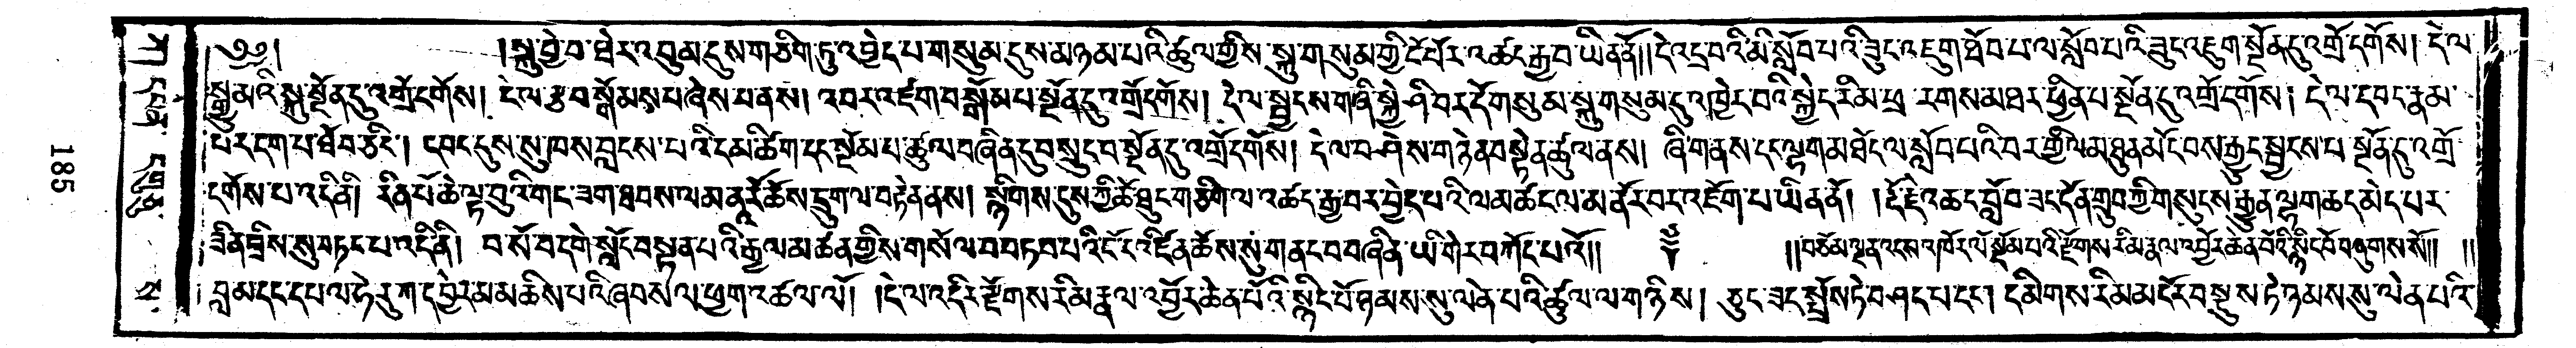༄༅། །སྐུ་བྱེ་བ་ཐེར་འབུམ་དུས་གཅིག་ཏུ་འབྱེད་པ་གསུམ་དུས་མཉམ་པའི་ཚུལ་གྱིས་སྐུ་གསུམ་གྱི་ངོ་བོར་འཚང་རྒྱ་བ་ཡིན་ནོ། །དེ་འདྲ་བའི་མི་སློབ་པའི་ཟུང་འཇུག་ཐོབ་པ་ལ་སློབ་པའི་ཟུང་འཇུག་སྔོན་དུ་འགྲོ་དགོས། དེ་ལ་
སྒྱུ་མའི་སྐུ་སྔོན་དུ་འགྲོ་དགོས། དེ་ལ་རྩ་བསྒོམས་པ་ཞེས་པ་ནས། འབར་འཛག་བསྒོམ་པ་སྔོན་དུ་འགྲོ་དགོས། དེ་ལ་སྦྱངས་གཞི་སྐྱེ་ཤི་བར་དོ་གསུམ་སྐུ་གསུམ་དུ་འཁྱེར་བའི་སྐྱེད་རིམ་ཕྲ་རགས་མཐར་ཕྱིན་པ་སྔོན་དུ་འགྲོ་དགོས། དེ་ལ་དབང་རྣམ་
པར་དག་པ་ཐོབ་ཅིང་། དབང་དུས་སུ་ཁས་བླངས་པའི་དམ་ཚིག་དང་སྡོམ་པ་ཚུལ་བཞིན་དུ་བསྲུང་བ་སྔོན་དུ་འགྲོ་དགོས། དེ་ལ་བཤེས་གཉེན་བསྟེན་ཚུལ་ནས། ཞི་གནས་དང་ལྷག་མཐོང་ལ་སློབ་པའི་བར་གྱི་ལ་མཐུན་མོང་བས་རྒྱུད་སྦྱངས་པ་སྔོན་དུ་འགྲོ་
དགོས་པ་འདི་ནི། རིན་པོ་ཆེ་ལྟ་བུའི་གང་ཟག་ཐབས་ལམ་ནཱ་རོ་ཆོས་དྲུག་ལ་བརྟེན་ནས། སྙིགས་དུས་ཀྱི་ཆོ་ཐུང་གཅིག་ལ་འཚང་རྒྱ་བར་བྱེད་པའི་ལམ་ཚང་ལ་མ་ནོར་བར་འཇོག་པ་ཡིན་ནོ། །རྡོ་རྗེ་འཆང་བློ་བཟང་དོན་གྲུབ་ཀྱི་གསུང་རྒྱུན་ལྷག་ཆད་མེད་པར་
ཟིན་བྲིས་སུ་བཏང་པ་འདི་ནི། བ་སོ་བ་དགེ་སློང་བསྟན་པའི་རྒྱལ་མཚན་གྱིས་གསོལ་བ་བཏབ་པའི་ངོ་ང་འཛིན་ཆོས་སུ་གནང་བ་བཞིན་ཡི་གེར་བཀོད་པའོ།། ༈ །།བཅོམ་ལྡན་འདས་འཁོར་ལོ་སྡོམ་པའི་རྫོགས་རིམ་རྣལ་འབྱོར་ཆེན་བོའི་སྙིང་བོ་བཞུགས་སོ།། །།
བླ་མ་དང་དཔལ་ཧེ་རུ་ཀ་དབྱེར་མ་མཆིས་པའི་ཞབས་ལ་ཕྱག་འཚལ་ལོ། །དེ་ལ་འདིར་རྫོགས་རིམ་རྣལ་འབྱོར་ཆེན་པོའི་སྙིང་པོ་ཉམས་སུ་ལེན་པའི་ཚུལ་ལ་གཉིས། ཅུང་ཟད་སྤྲོས་ཏེ་བཤད་པ་དང་། དམིགས་རིམ་མདོར་བསྡུས་ཏེ་ཉམས་སུ་ལེན་པའི་